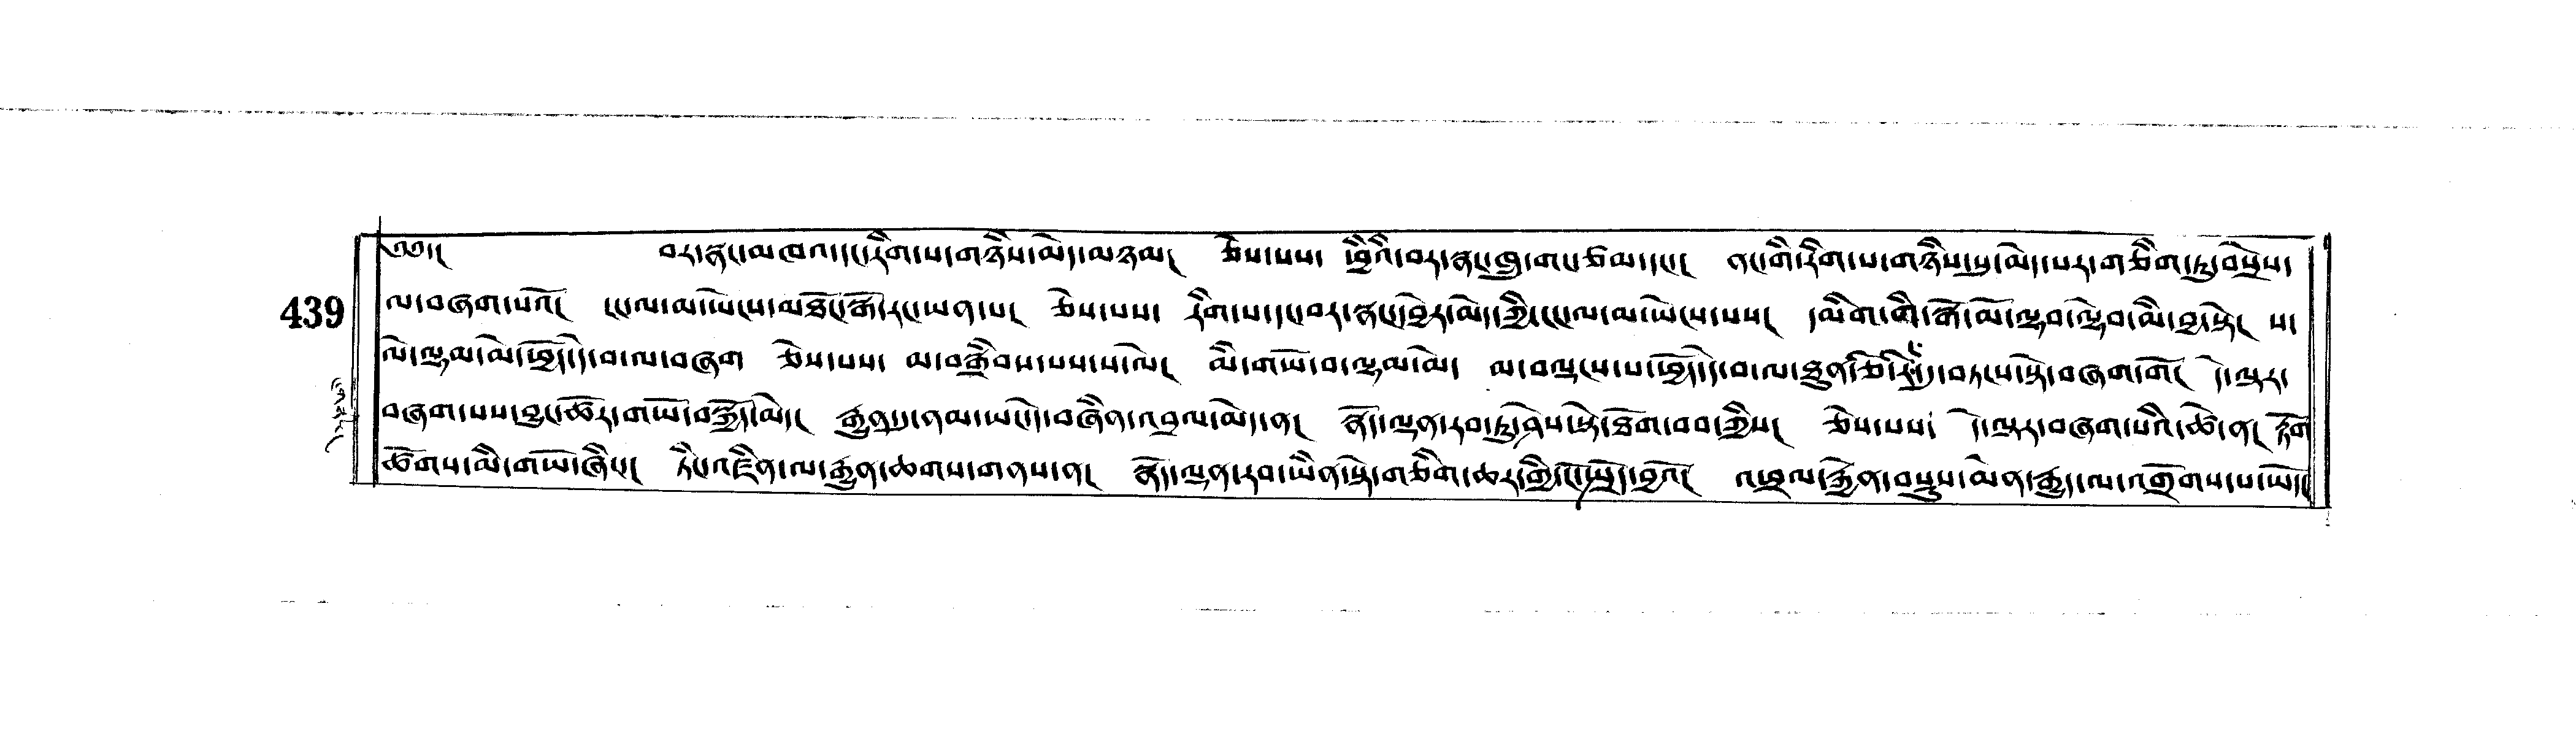བར་སྣང་མཁའ་དང་རིག་པ་གཉིས་མེད་མཉམ། ཅེས་པས། ཕྱི་ཡི་བར་སྣང་ཁྲུ་གང་ཙམ་དང་། ནང་གི་རིག་པ་གཉིས་སུ་མེད་པར་གཅིག་ཏུ་བསྲེས་
ལ་བཞག་པའོ། ངང་ལ་མ་ཡེངས་མཐོང་སྒོ་རང་ཡན་པ། ཅེས་པས། རིག་པ་དང་བར་སྣང་དབྱེར་མེད་ཀྱི་ངང་ལ་མ་ཡེངས་པས། མིག་གི་སྒོ་མོ་ལྷབ་ལྷེབ་མི་བྱ་སྟེ། ས་
ལེ་ལྷམ་མེ་ཕྱོད་དེ་བ་ལ་བཞག ཅེས་པས། མ་བསྒྲིབས་པས་ས་ལེ། མི་གཡོ་བ་ལྷམ་མེ། མ་ལྡང་བ་ཕྱོད་དེ་བ་ལ་ཐུན་ཅི་རིང་དུ་བཏང་སྟེ་བཞག་གོ དེ་ལྟར་
བཞག་པས་བྱུང་ཚོར་གཡོ་སྐྱོད་མེད། རྒྱུན་དུ་ནམ་ཡང་དེ་བཞིན་འབྲལ་མེད་ན། སྣོད་ལྡན་རབ་ཏུ་ཤེས་ཏེ་ཐོག་བབ་ཀྱིས། ཅེས་པས། དེ་ལྟར་བཞག་པའི་ཚེ་ན། རྟོག་
ཚོགས་མི་གཡོ་ཞིང་། ཏིང་འཛིན་ལ་རྒྱུན་ཆགས་གནས་ན། སྣོད་ལྡན་རབ་ཡིན་ཏེ་ཅིག་ཆར་གྱི་ངོ་སྤྲོད་བྱའོ། འཕྲལ་རྐྱེན་བསྡུས་མིན་རྒྱུད་ལ་འགྲོགས་པ་ཡོད།